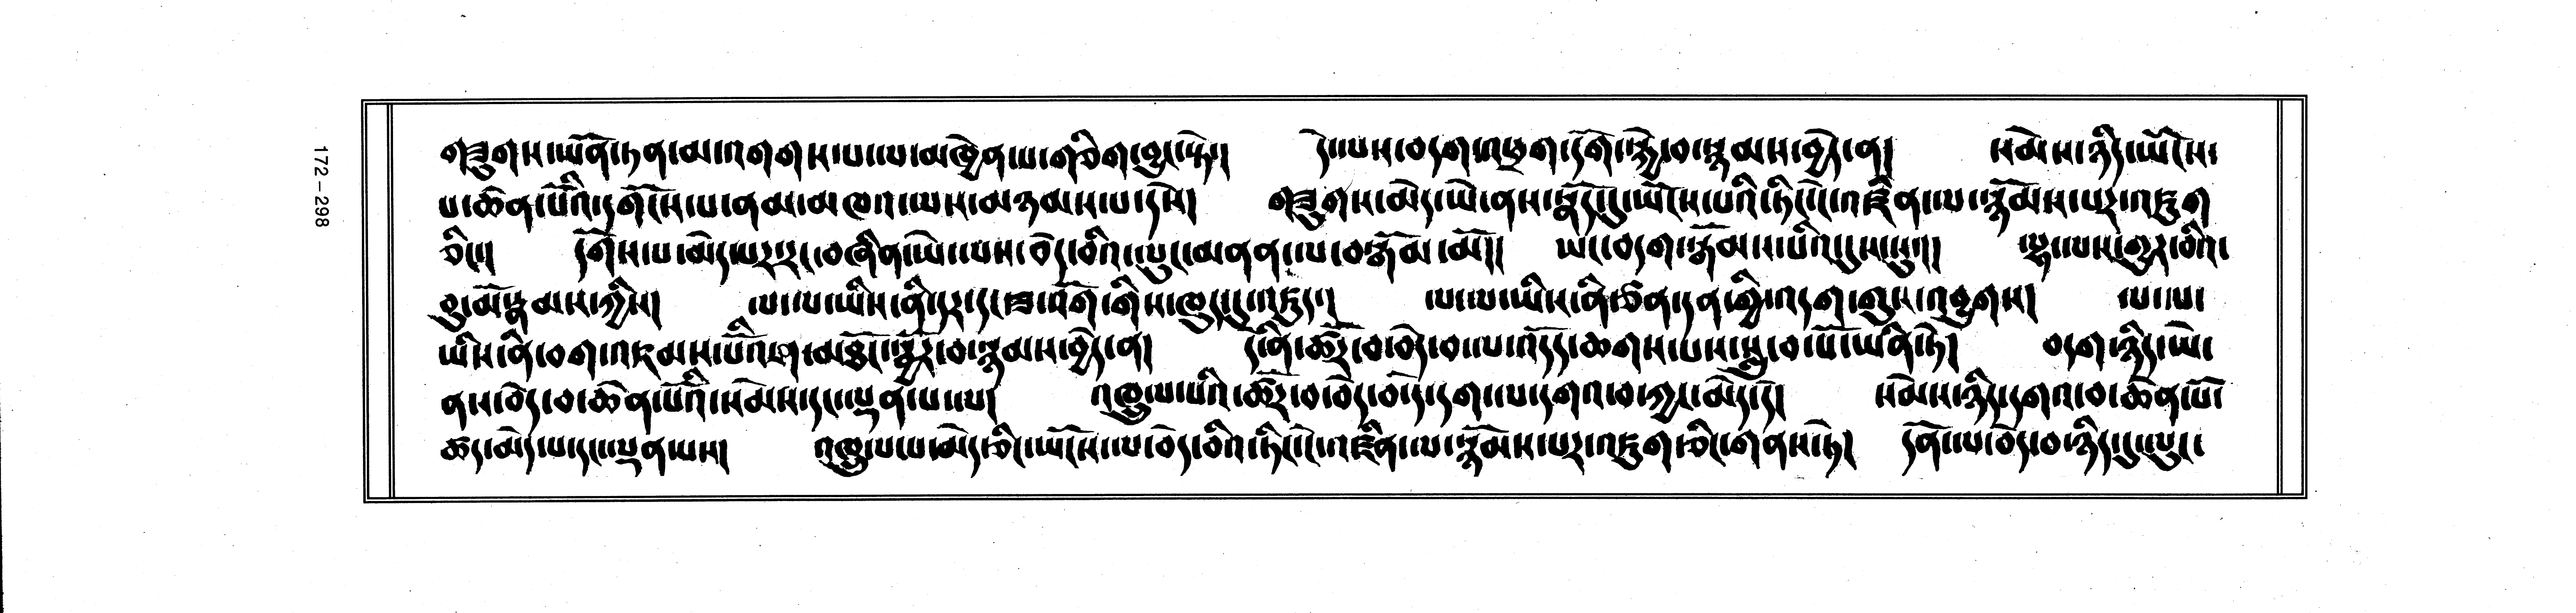གཟུགས་ཡོན་ཏན་མ་འགགས་པ་ལ་མཁྱེན་པ་གཅིག་བྱུང་སྟེ། དེ་ལས་བདག་འཕྲག་དོགས་སྐྱེ་བ་སྙམས་བྱེད་ན། སེམས་ཉིད་ཡོངས་
པ་ཆེན་པོའི་དགོངས་པ་ནམ་མཁའ་ལས་མཉམས་པ་དེས། གཟུགས་མེད་ཡེ་ནས་སྣོད་དུ་ཡོངས་པའི་ཏིང་ངེ་འཛིན་ལ་སྙོམས་པར་འཇུག་
ཅིང་། དོགས་པ་མེད་པར་རང་བཞིན་ཡེ་ལས་བདེ་བའི་ལུང་མནན་ལ་བསྒོམ་མོ། ཡང་བདག་སྒོམས་པའི་དུས་སུ། ལྷ་ལས་གྱུར་བའི་
བུ་མོ་རྣམས་ཀྱིས། ལ་ལ་ཡིས་ནི་དར་དང་ཟ་འོག་གིས་ཁུད་དུ་འཇུད། ལ་ལ་ཡིས་ནི་ཙན་དན་གྱི་འདག་གུས་འབྱུགས། ལ་ལ་
ཡིས་ནི་བག་འཇམས་པོའི་ཤ་མཐོང་སྦྱོར་བ་སྙམས་བྱེད་ན། དེ་ནི་ཚོར་བ་བདེ་བ་ལ་འདོད་ཆགས་པས་སླུ་བ་པོ་ཡིན་ཏེ། བདག་ཉིད་ཡེ་
ནས་བདེ་བ་ཆེན་པོའི་སེམས་དང་ལྡན་པ་ལ། འཁྲོལ་པའི་ཚོར་བ་བདེ་བ་དེ་དག་ལ་དགའ་བ་ཀྱང་མེད་དེ། སེམས་ཉིད་དགའ་བ་ཆེན་པོ་
ཚད་མེད་པ་དང་ལྡན་པས། འཁྲུལ་པ་མེད་ཅིང་ཡོངས་ལ་བདེ་བའི་ཏིང་ངེ་འཛིན་ལ་སྙོམས་པར་འཇུག་ཅིང་གནས་ཏེ། དོན་ལ་བདེ་བ་ཉིད་དུ་ལུང་